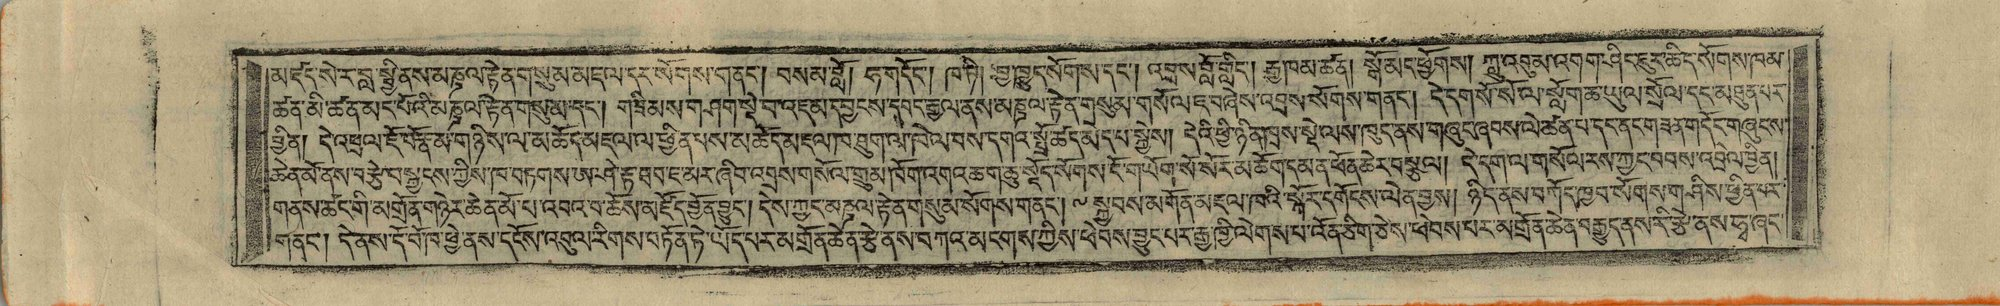མཛད་སེ་ར་བླ་སྤྱི་ནས་མཎྜལ་རྟེན་གསུམ་མཇལ་དར་སོགས་གནང་། བསམ་བློ། ཧ་གདོང་། ཁ་ཏི། བྱ་ཁྱུད་སོགས་དང་། འབྲས་བློ་གླིང་། རྒྱ་ཁམ་ཚན། སྒོ་མང་ཕྱོགས། ཀླུ་འབུམ་འགག་ཤིང་ཇུར་ཆིད་སོགས་ཁམ་
ཚན་མི་ཚན་མང་པོའི་མཎྜལ་རྟེན་གསུམ་དང་། གཟིམས་གཤག་སྡེ་བ་འཇམ་དབྱངས་དབང་རྒྱལ་ནས་མཎྜལ་རྟེན་གསུམ་གསོལ་ཇ་བཞེས་འབྲས་སོགས་གནང་། དེ་དག་སོ་སོ་ལ་སློག་ཆ་ཡུལ་སྲོལ་དང་མཐུན་པར་
བྱིན། དེ་འཕྲལ་ཇོ་བོ་རྣམ་གཉིས་ལ་མཆོད་མཇལ་ལ་ཕྱིན་པས་མཆོད་མཇལ་ཁ་ཐུག་ལ་ཁེལ་བས་དགའ་སྤྲོ་ཚད་མེད་པ་སྐྱེས། དེའི་ཕྱི་ཉིན་ཁྲས་སྡེ་ལས་ཁུང་ནས་གཞུང་ཞབས་ལེ་ཚན་པ་དང་ནང་གཟན་གདོང་གཞུངས་
ཆེན་མོ་ནས་བརྩེ་བསྐྱངས་ཀྱིས་ཁ་བཏགས་ཨ་ཤེ་རྟ་ཐབ་ཇ་མར་ཞིབ་འབྲས་གསོལ་གྲུམ་ཁོག་འགའ་ཆག་ཆུ་སྡོད་སོགས་ངོ་གཡོག་སོ་སོར་མཆོག་དམན་ཕོན་ཆེར་བསྩལ། དེ་དག་ལ་གསོལ་རས་ཀྱང་བབས་འབྲེལ་བྱིན།
གནས་ཚང་གི་མགྲོན་གཉེར་ཆེན་མོ་པ་འབའ་བ་ཆོས་མཛོད་བྱོན་བྱུང་། དེས་ཀྱང་མཎྜལ་རྟེན་གསུམ་སོགས་གནང་། ༧སྐྱབས་མགོན་མཇལ་ཁའི་སྐོར་དགོངས་ལེན་བྱས། ཉིད་ནས་བཀོད་ཁྱབ་སོགས་གཤིས་ཕྱིན་པར་
གནང་། དེ་ནས་དོ་བོ་ཁ་ཕྱེ་ནས་དངོས་འབུལ་རིགས་བཏོན་ཏེ་ཡོད་པར་མགྲོན་ཆེན་རྩེ་ནས་བཀའ་མངགས་ཀྱིས་ཕེབས་བྱུང་པར་རྒྱ་ཁྱི་ལེགས་པ་འོན་ཅིག་ཅེས་ཕེབས་པར་མགྲོན་ཆེན་བརྒྱུད་ནས་རི་རྩེ་ནས་ཧྭ་ཞང་